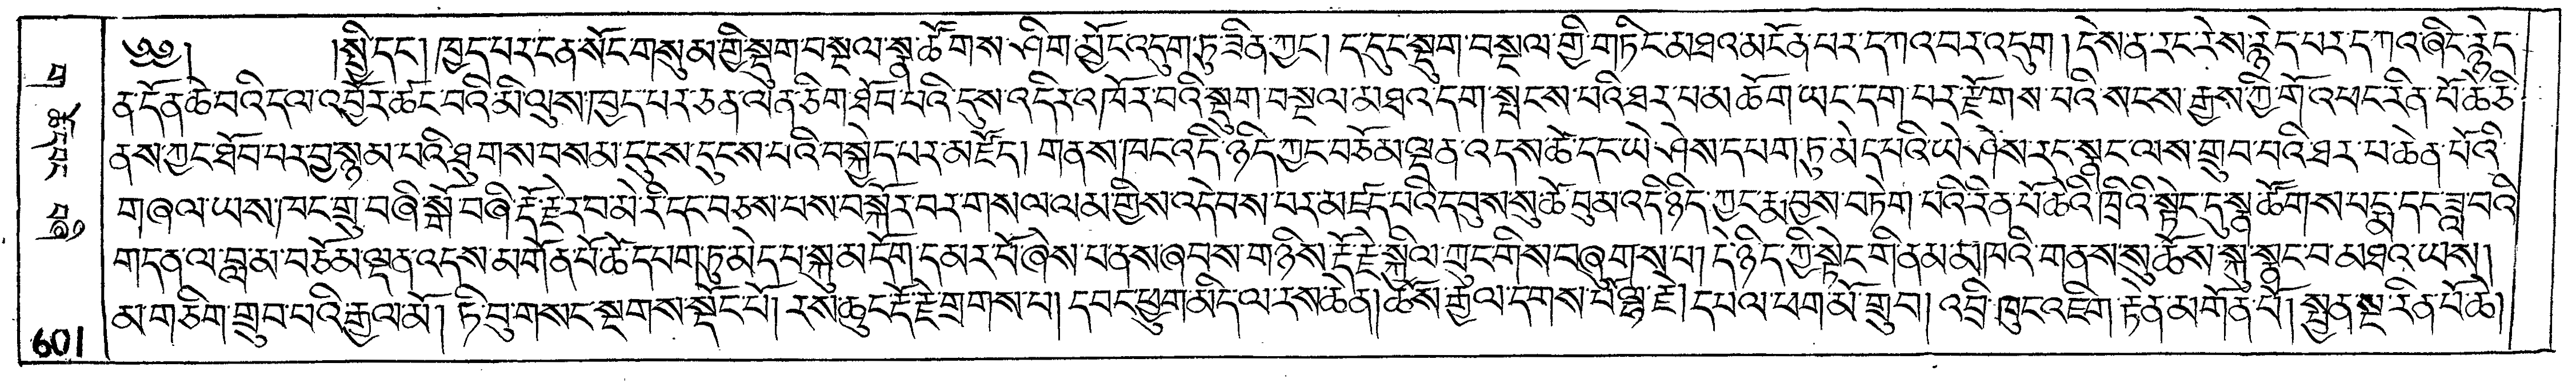༄༅། །སྤྱི་དང་། ཁྱད་པར་ངན་སོང་གསུམ་གྱི་སྡུག་བསྔལ་སྣ་ཚོགས་ཤིག་མྱོང་འདུག་ཏུ་ཟིན་ཀྱང་། ད་དུང་སྡུག་བསྔལ་གྱི་གཏིང་མཐའ་མངོན་པར་དཀའ་བར་འདུག །དེས་ན་རང་རེས་རྙེད་པར་དཀའ་ཞིང་རྙེད་
ན་དོན་ཆེ་བའི་དལ་འབྱོར་ཚང་བའི་མི་ལུས་ཁྱད་པར་ཅན་ལན་ཅིག་ཐོབ་པའི་དུས་འདིར་འཁོར་བའི་སྡུག་བསྔལ་མཐའ་དག་སྤངས་པའི་ཐར་པ་མཆོག་ཡང་དག་པར་རྫོགས་པའི་སངས་རྒྱས་ཀྱི་གོ་འཕང་རིན་པོ་ཆེ་ཅི་
ནས་ཀྱང་ཐོབ་པར་བྱ་སྙམ་པའི་ཐུགས་བསམ་དུངས་དུངས་པའི་བསྐྱེད་པར་མཛོད། གནས་ཁང་འདི་ཉིད་ཀྱང་བཅོམ་ལྡན་འདས་ཚེ་དང་ཡེ་ཤེས་དཔག་ཏུ་མེད་པའི་ཡེ་ཤེས་རང་སྣང་ལས་གྲུབ་པའི་ཐར་པ་ཆེན་པོའི་
གཞལ་ཡས་ཁང་གྲུ་བཞི་སྒོ་བཞི་རྡོ་རྗེ་ར་བ་མེ་རི་དང་བཅས་པས་བསྐོར་བར་གསལ་ལམ་གྱིས་འདེབས་པར་མཛད་པའི་དབུས་སུ་ཚེ་བུམ་འདི་ཉིད་ཀྱང་རྨ་བྱས་བཏེག་པའི་རིན་པོ་ཆེའི་ཁྲིའི་སྟེང་དུ་སྣ་ཚོགས་པདམ་དང་ཟླ་བའི་
གདན་ལ་བླ་མ་བཅོམ་ལྡན་འདས་མགོན་པོ་ཚེ་དཔག་ཏུ་མེད་པ་སྐུ་མདོག་དམར་པོ་ཞེས་པ་ནས་ཞབས་གཉིས་རྡོ་རྗེ་སྐྱིལ་ཀྲུང་གིས་བཞུགས་པ། དེ་ཉིད་ཀྱི་སྟེང་གི་ནམ་མཁའི་གནས་སུ་ཆོས་སྐུ་སྣང་བ་མཐའ་ཡས།
མ་གཅིག་གྲུབ་པའི་རྒྱལ་མོ། ཏི་བུ་གསང་སྔགས་སྡོང་པོ། རས་ཆུང་རྡོ་རྗེ་གྲགས་པ། དབང་ཕྱུག་མིད་ལ་རས་ཆེན། ཆོས་རྒྱལ་དགས་པོ་ལྷ་རྗེ། དཔལ་ཕག་མོ་གྲུབ། འབྲི་ཁུང་འཇིག་རྟེན་མགོན་པོ། སྤྱན་སྔ་རིན་པོ་ཆེ།